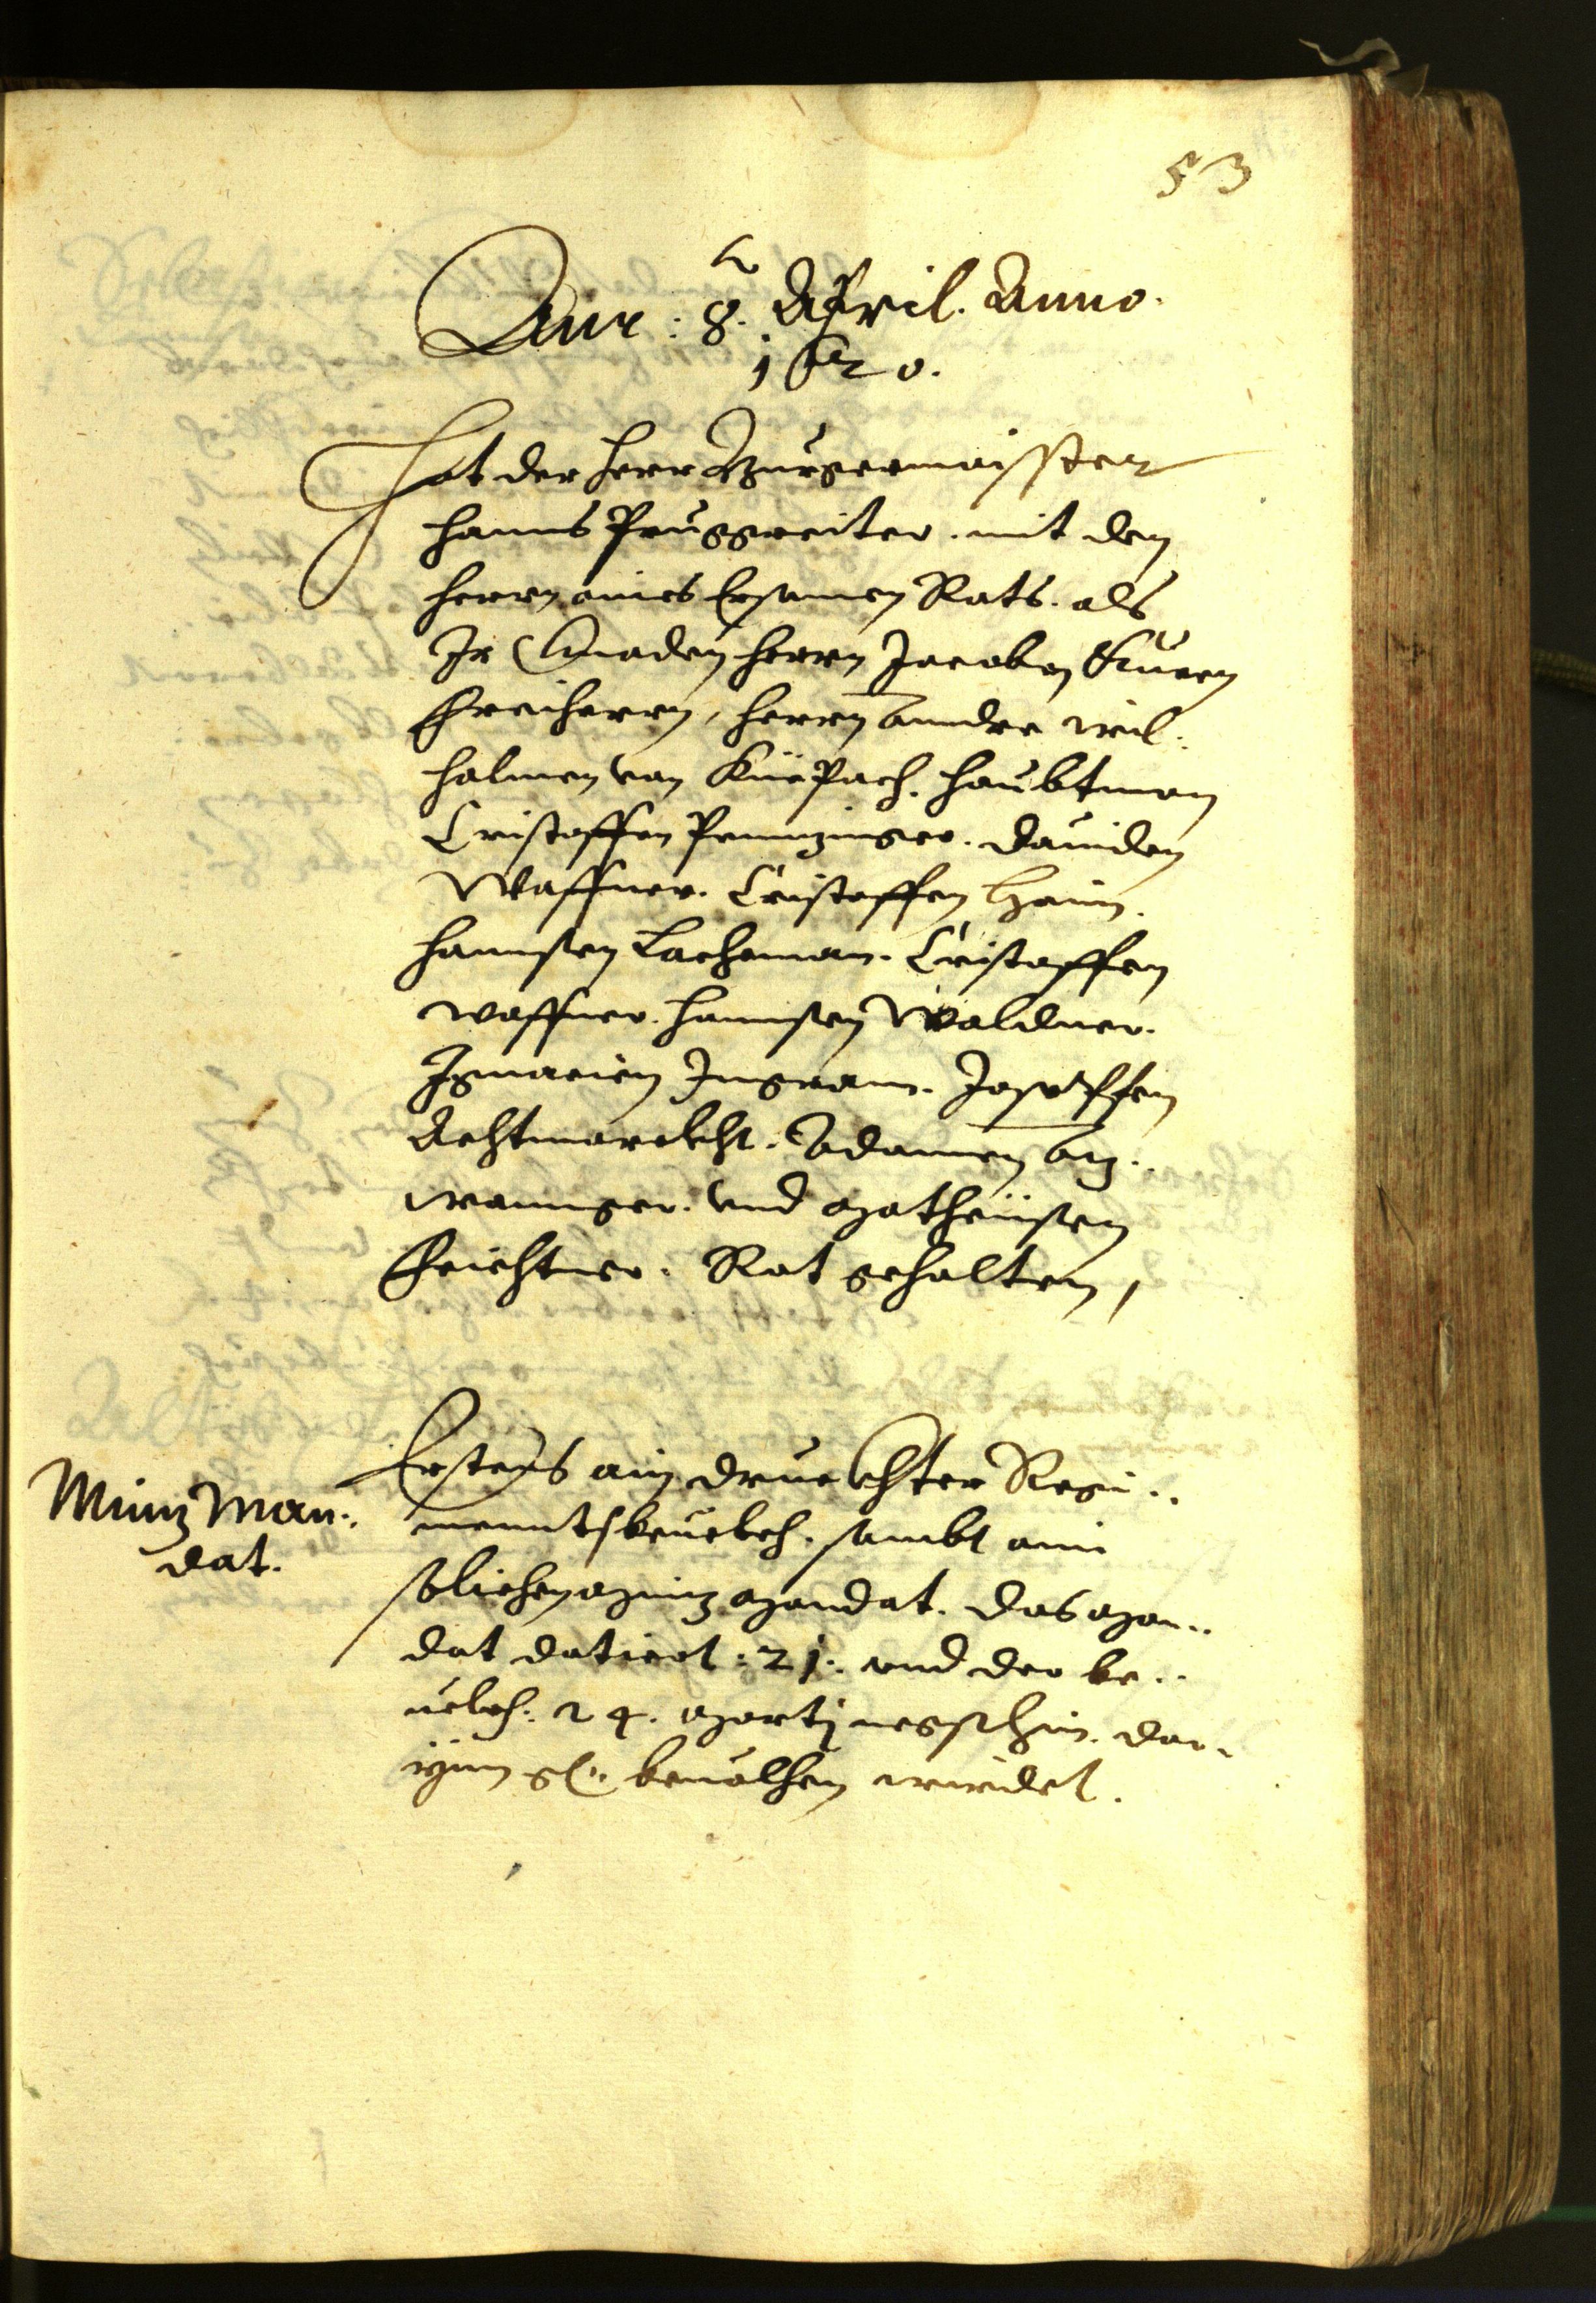53
Am: 8t. April. Anno.
1620.
hat der herr Būrgermaisster
hanns Prūggreiter. mit den
herrn aines Ersamen Rats. als
Ir Gnaden herrn Jacoben Kūeen
Freiherrn, herrn Anndre Wil¬
halmen von KüePach. haūbtman
Cristoffen Pennzinger. Daūiden
Waffner. Cristoffen Haim.
hannsen Locheman. Cristoffen
Waffner. hannsen Waldner.
Ignacien Ingram. Joseffen
Achtmarckht. Adamen Az¬
wannger. vnd Matheüsen
Feichtner. Rat gehalten,
Erstens ain drūckhter Regi¬
menntsbeūelch. sambt ain
solichen Minz Mandat. das Man¬
dat datiert: 21: vnd der be¬
ūelch: 24. Martj negsthin. dar¬
ÿnnen g: bevōlhen wirdet.
Münz Man¬
dat.